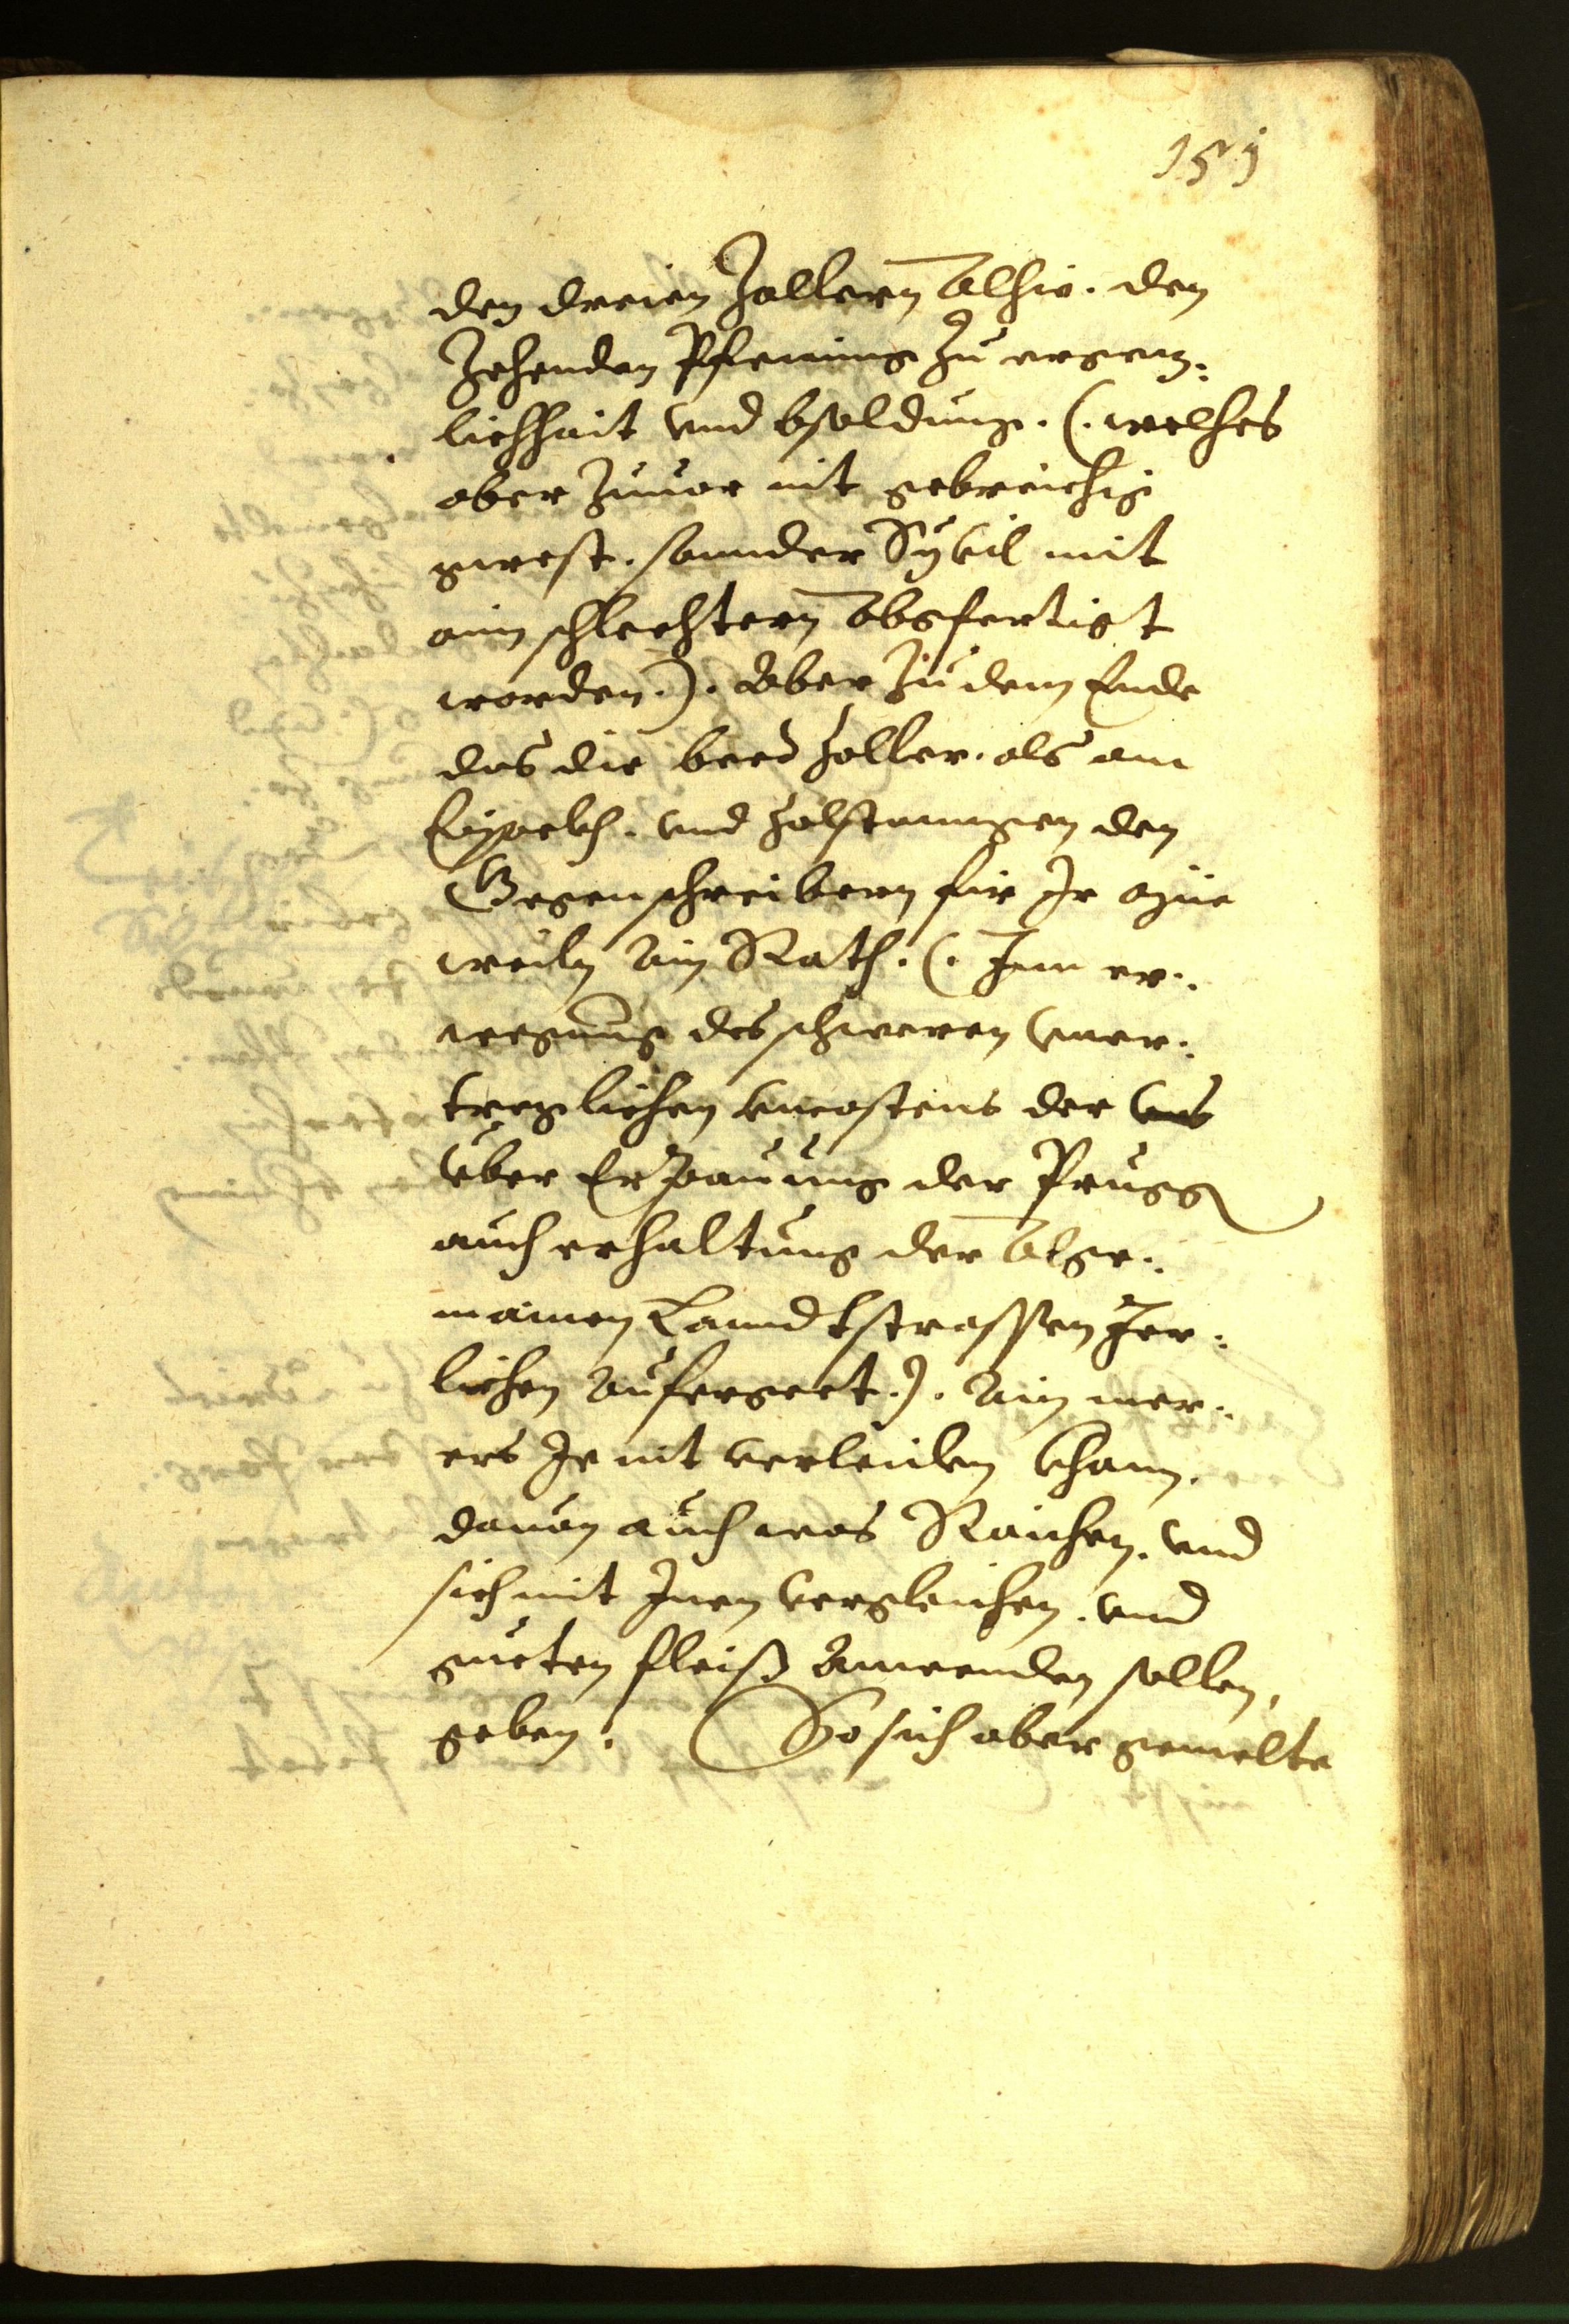151
den dreien Zollern Alhie. den
Zehenden Pfening Zū ergez¬
lichhait vnd bsoldūng .(.welhes
aber Zūūor nit gebreichig
gwest. sonnder Sȳ vil mit
aim schlechtern Abgfertigt
worden.). Aber Zū dem Ende
das die beed Zoller. als am
Eisackh. vnd Zolstanngen den
Gegenschreibern fir Ir Müe
weiln Ain Rath .(.Inn er¬
wegūng des schweren vner¬
traglichen vncostens der vns
v̄ber ErPaūūng der Prūgg
aūch erhaltūng der Alge¬
mainen Landtstrassen Jer¬
lichen Aūfergeet.). Ain mer¬
ers Ir nit verleiden khann.
davon aūch was Raichen. vnd
sich mit Inen vergleichen. vnd
gūeten fleiß Anwenden sollen,
geben. So sich aber gemelte